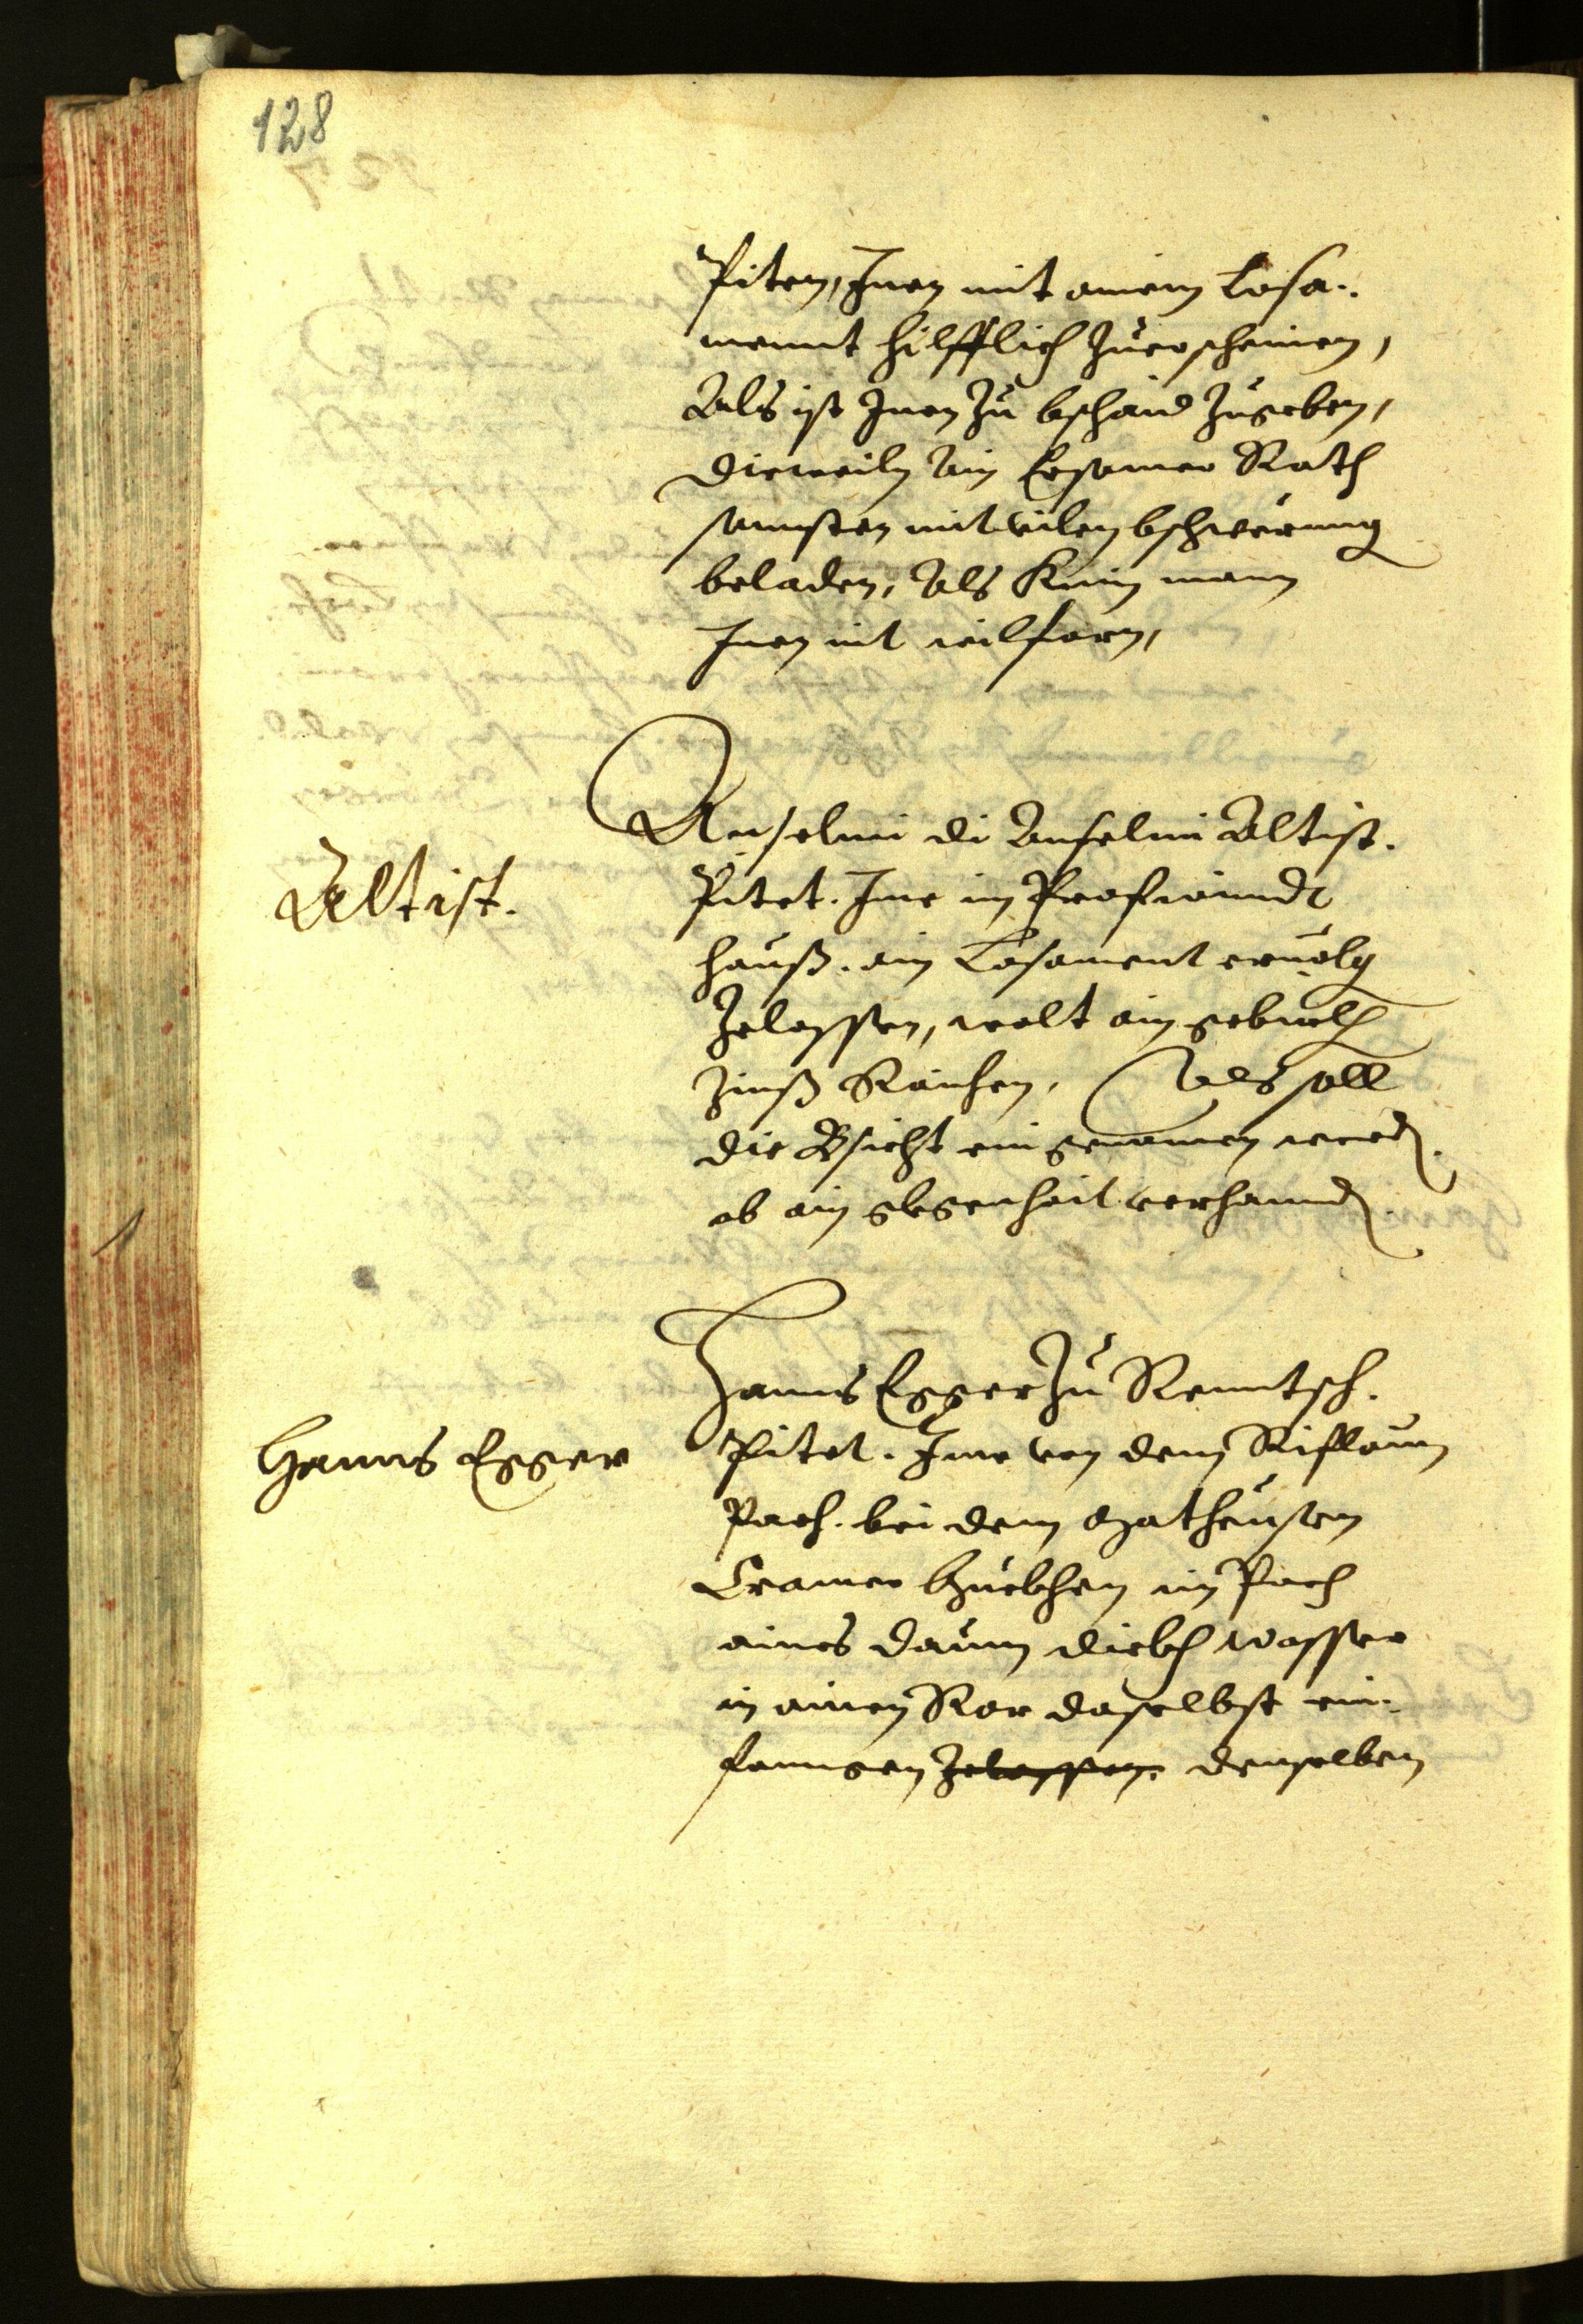128
Piten, Inen mit ainem Losa¬
mennt hilfflich Zūerscheinen,
Als ist Inen Zū bschaid Zūgeben,
dieweiln Ain Ersamer Rath
sonsten mit vilen bschwerūng
beladen, Als Kinn mann
Inen nit wilfarn,
Anselmi di Anselmi Altist.
Pitet. Ime im Profianndt
haūß. ain Losament ervolg
Zelassen, wolt ain gebirl
Zinß Raichen. Als soll
die Bsicht ein genomen werd.
ob ain glegenhait verhannd.
Altist.
Hanns Egger Zū Renntsch.
Pitet. Ime von dem Riflaūn
Pach. bei dem Matheūsen
Cramer Hūckhen im Pach
aines Daūm dickh wasser
in ainen Ror daselbst ein¬
fanngen Zelassen. denselben
Hanns Egger